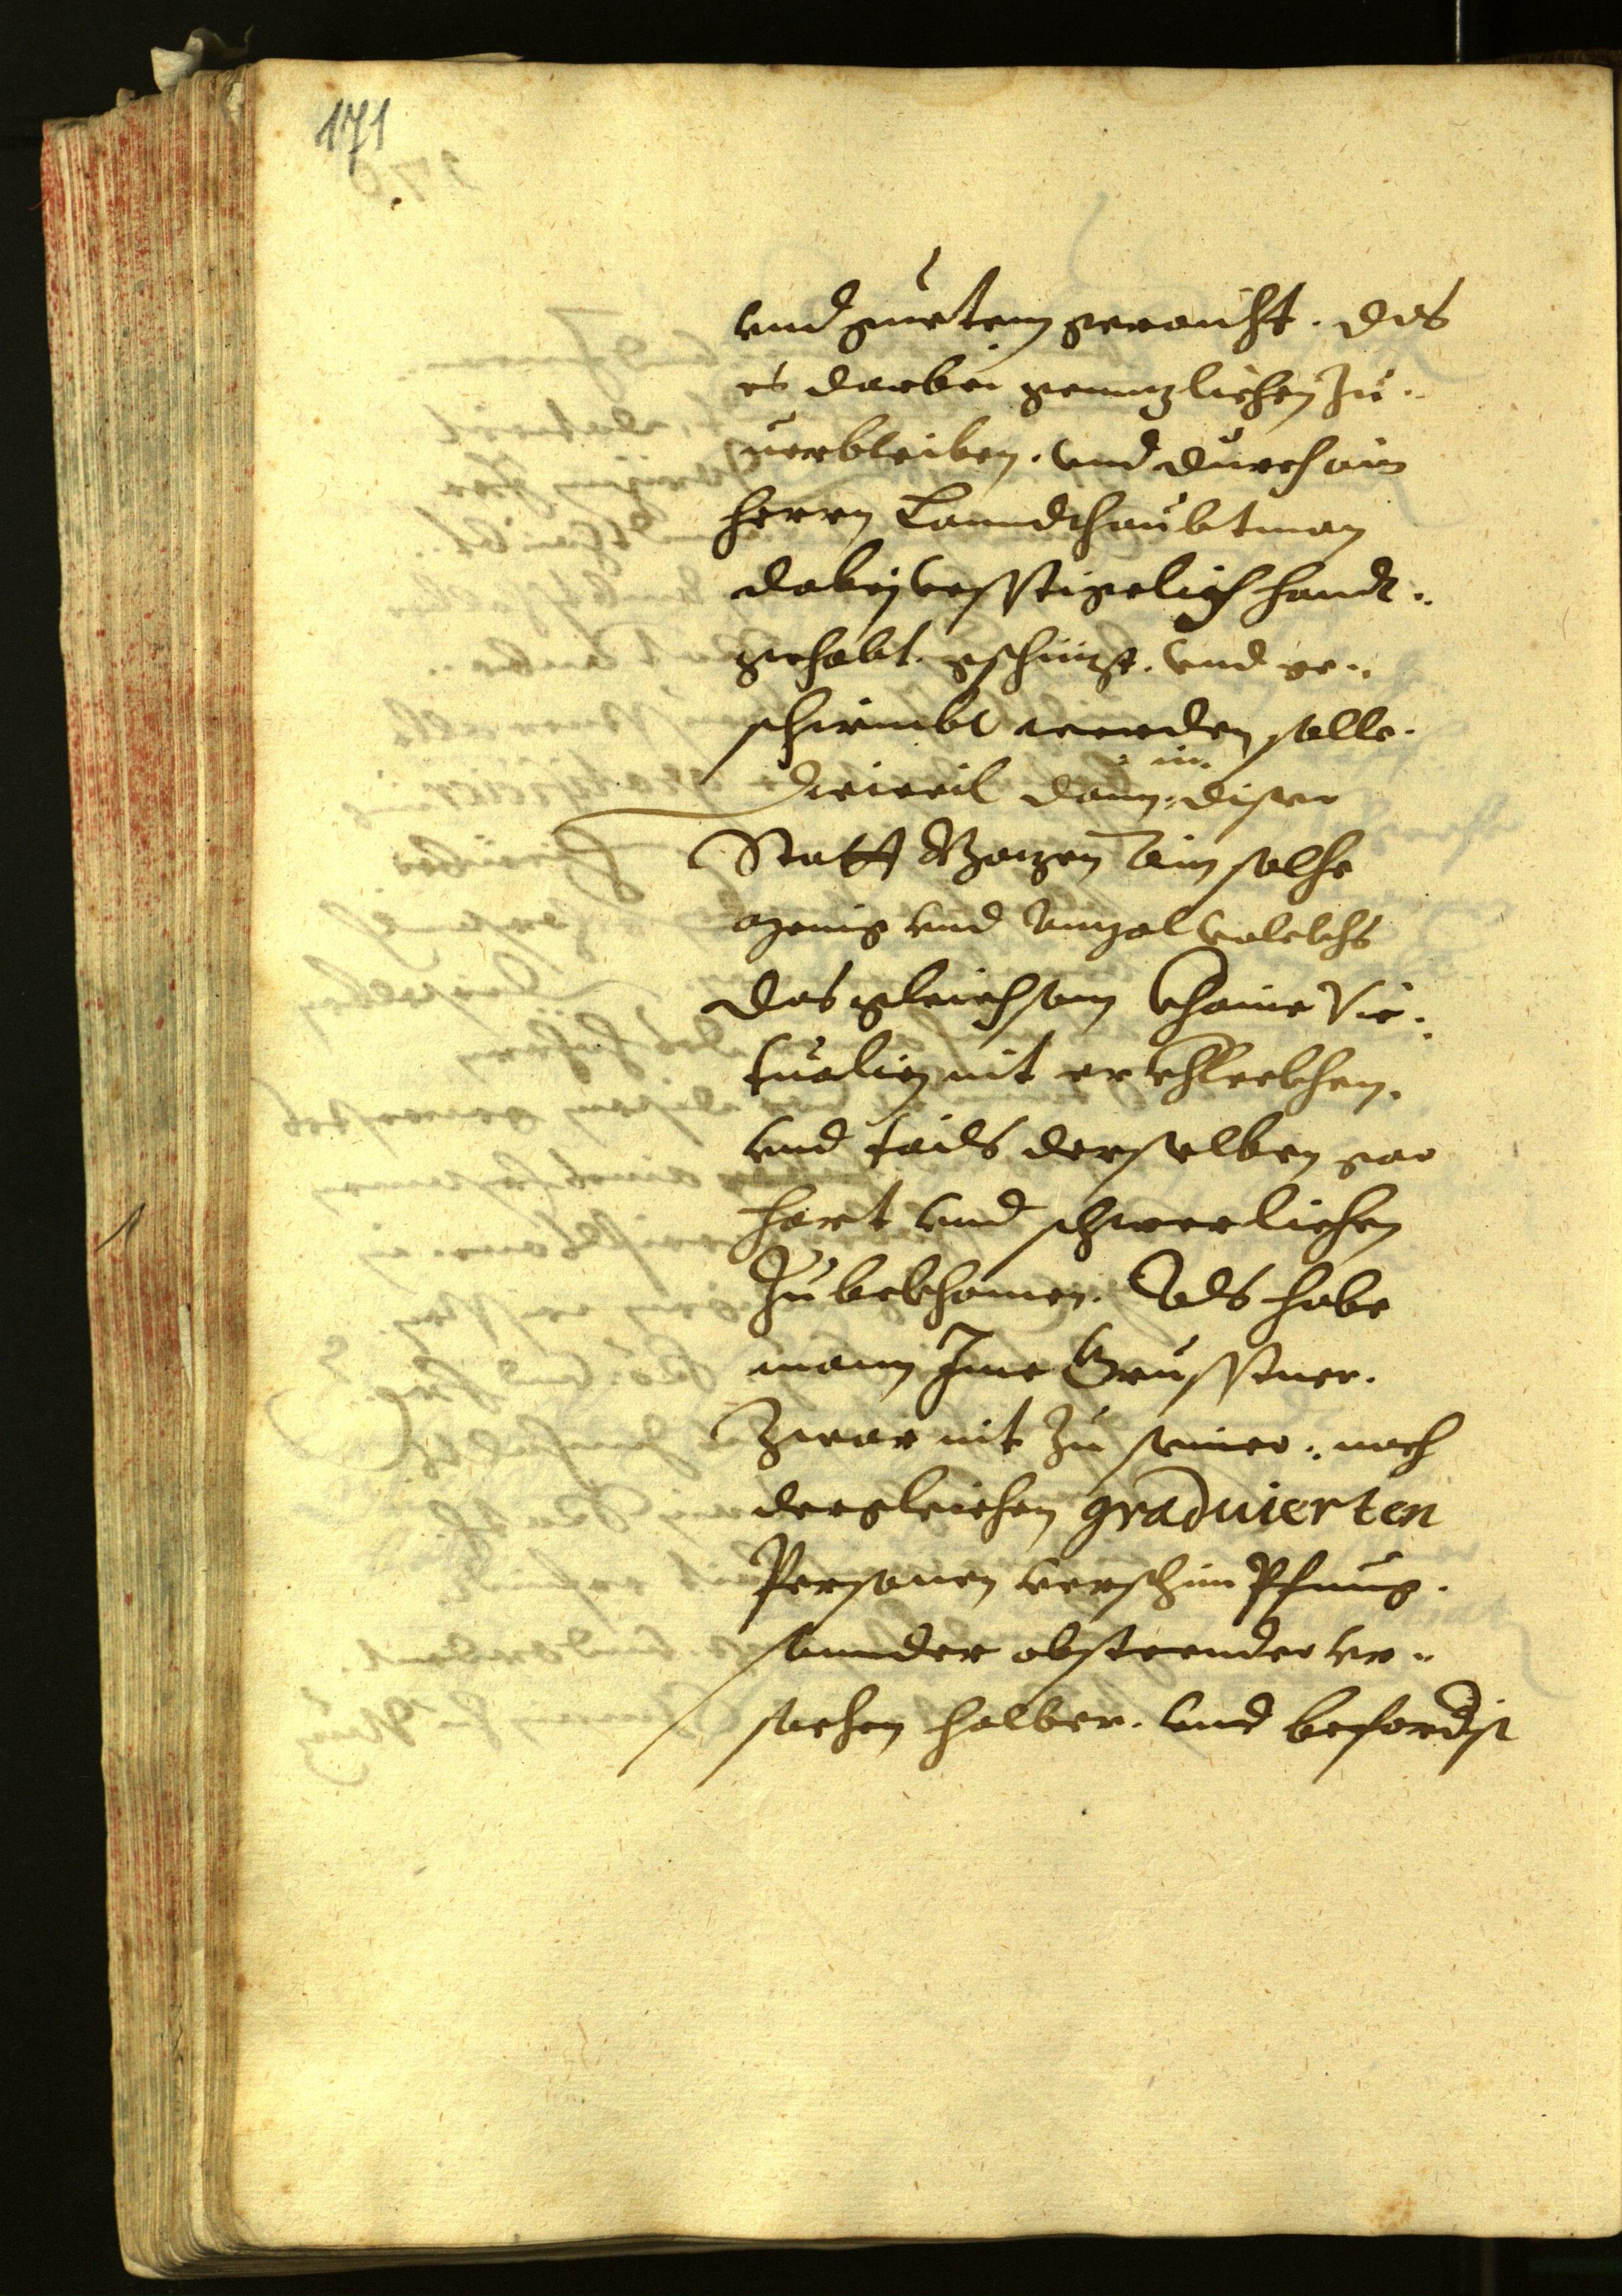171
vnd gūetem geraicht. das
es darbei gennzlichen Zū¬
verbleiben. vnd dūrch ain
herrn Lanndthaūbtman
dabej vesstigelich handt¬
gehabt. gschützt. vnd ge¬
schirmbt werden solle.
:in.
Dieweil dann : diser
Statt Bozen Ain solhe
Menig vnd Anzal volckhs
das gleichsam khaine Vic¬
tūalien nit erkhleckhen.
vnd tails derselben gar
hart vnd schwerlichen
Zū bekhomen. Als habe
mann Ime Grūsstner.
Zwar nit Zū seiner: noch
dergleichen graduierten
Personen verschimPfūng.
sonnder obsteender vr¬
sachen halber. vnd befordist